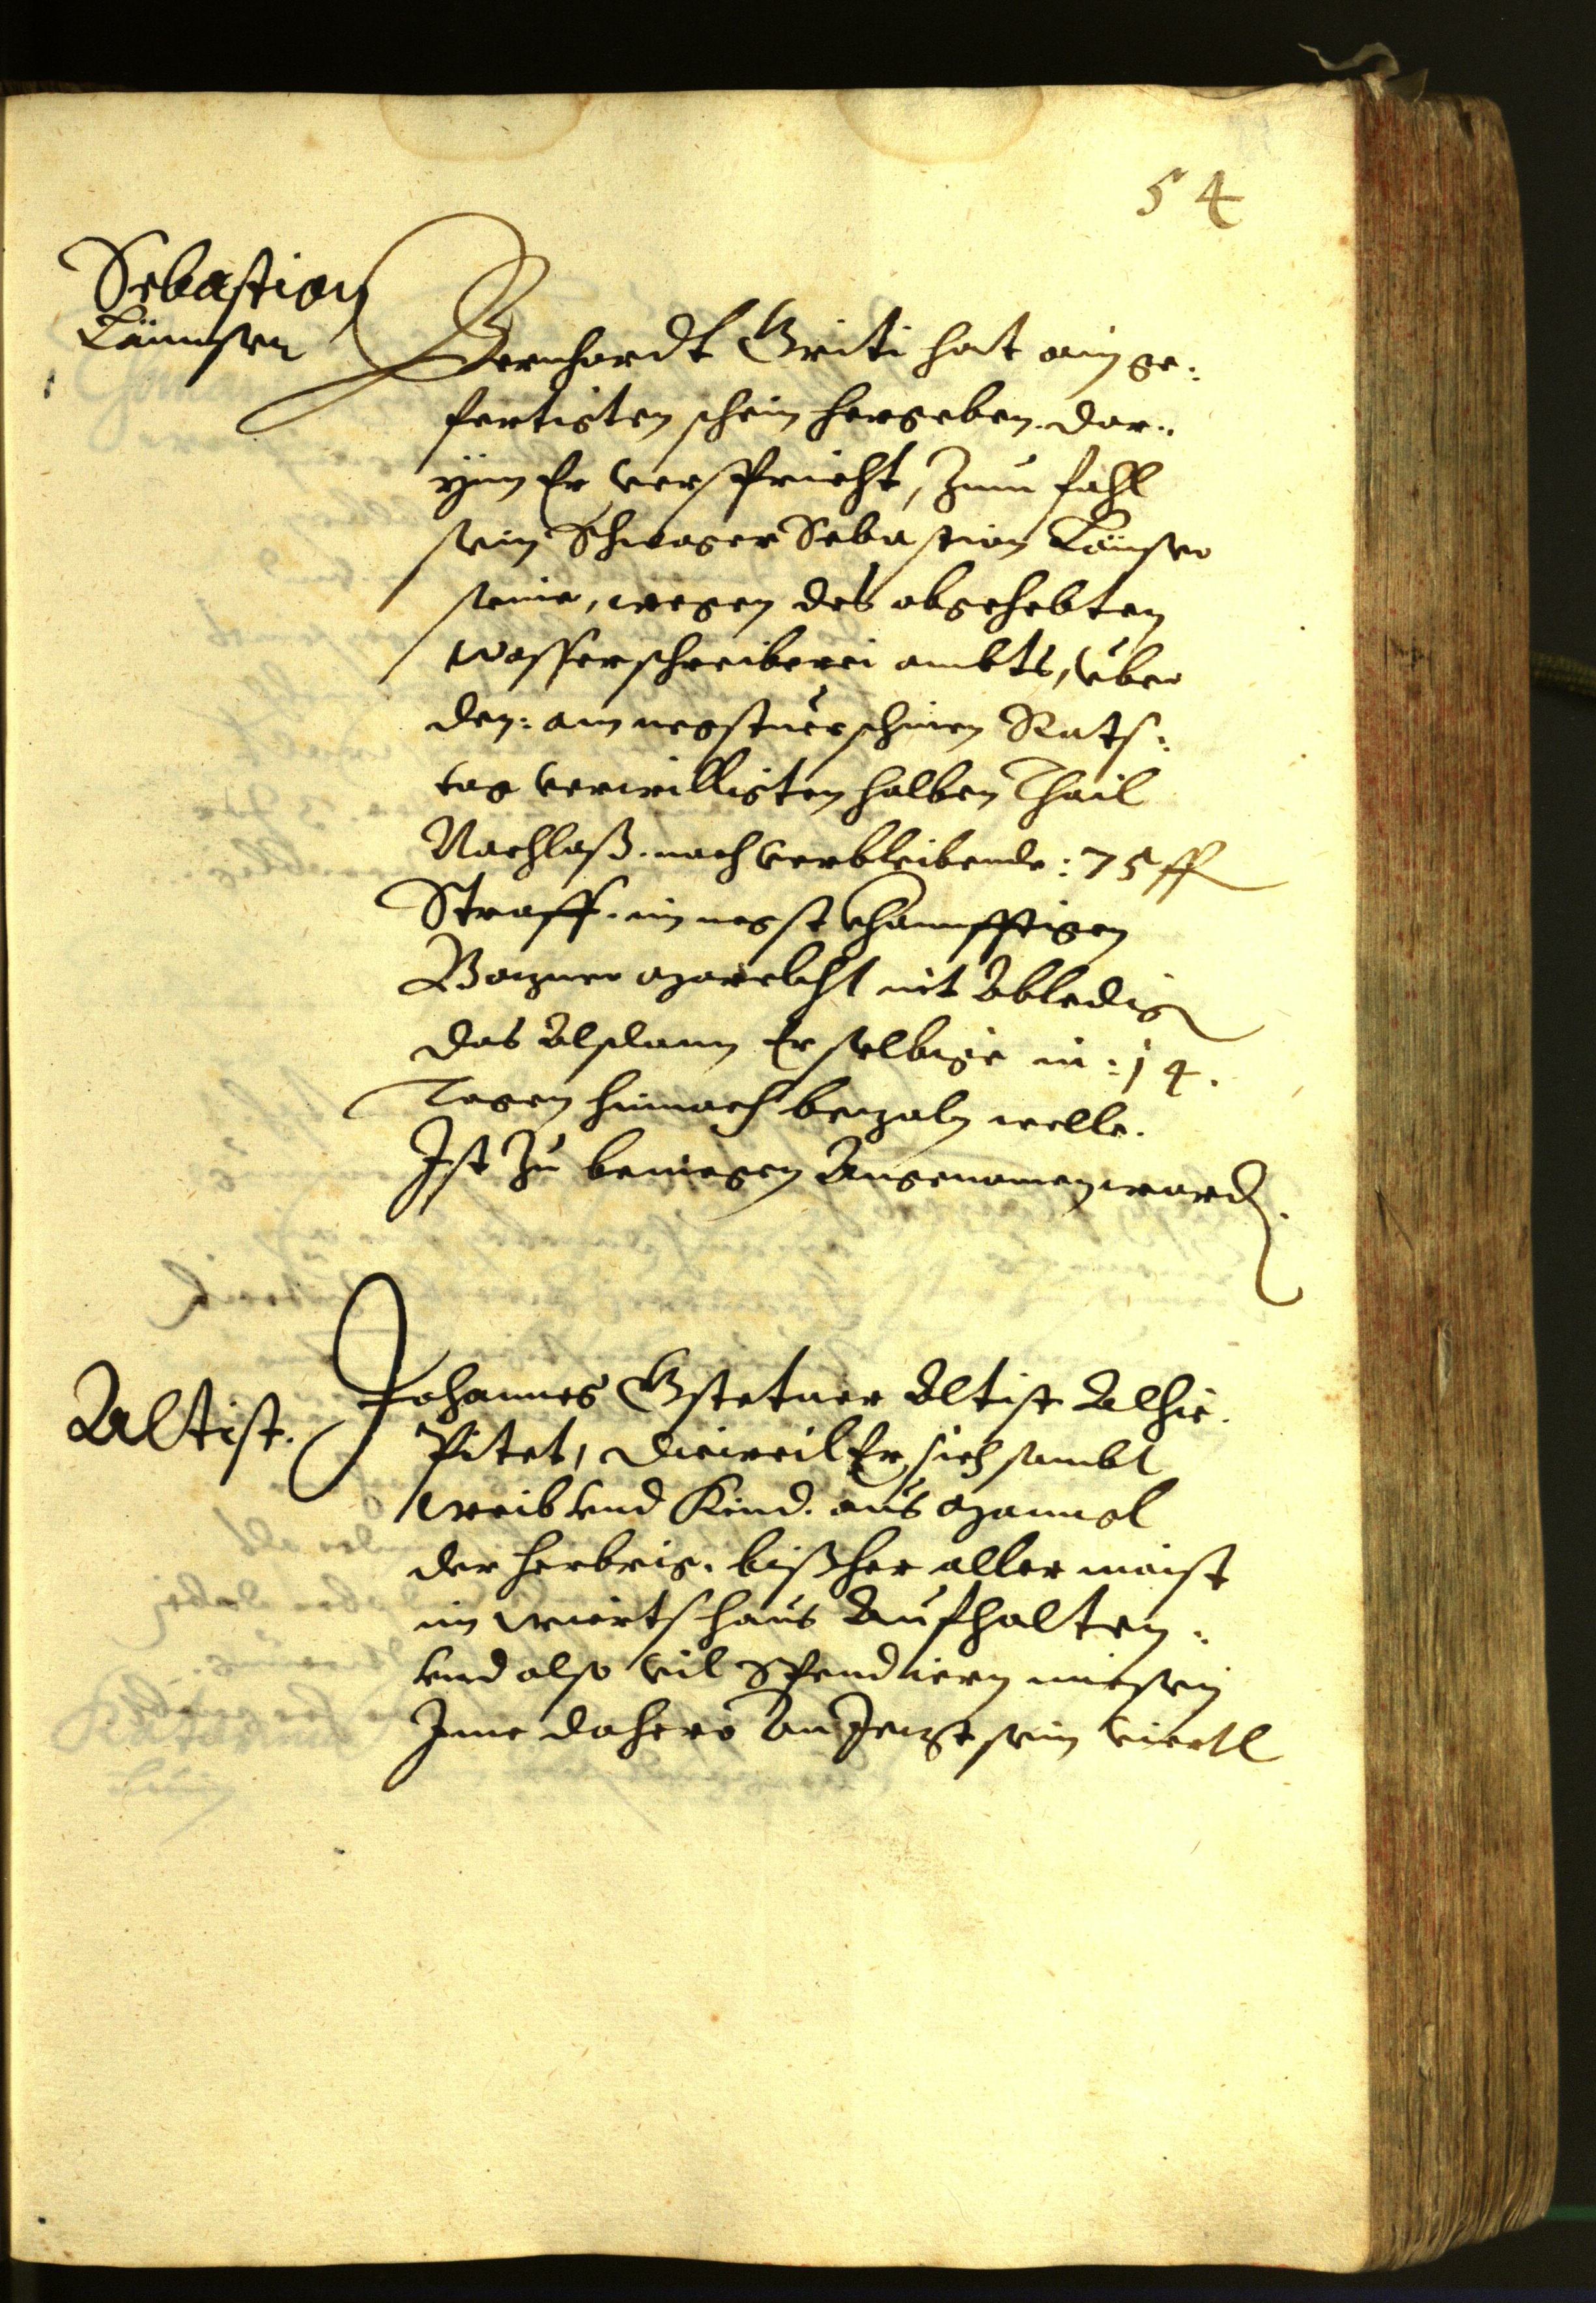54
Sebastian
Lännser
Bernhardt Griti hat ain ge¬
fertigten schein hergeben. dar¬
ÿnn Er verspricht, Zūm fahl
sein Schwager Sebastian Länser
seiner, wegen des abgehebten
Wasserschreiberei ambts, v̄ber
den: am negstvērschinen Rats¬
tag verwilligten halben Thail
Nachlaß. noch verbleibende: 75 fl
Straff. im negst khonnfftigen
Bozner Marckht nit Abledig
Das Alsdann Er selbige in: 14.
Tagen hinnach bezaln welle.
Ist Zū beniegen Angenomen word.
Johannes Gstetner Altist Alhie.
Pitet, dieweil Er sich sambt
Weib vnd Kind. aūs Manngl
der herbrig. bißher aller maist
im wiertshaūs Aūfhalten:
vnd also vil SPendiern miesen
Ime dahero An Jezt sein viertl
Altist.